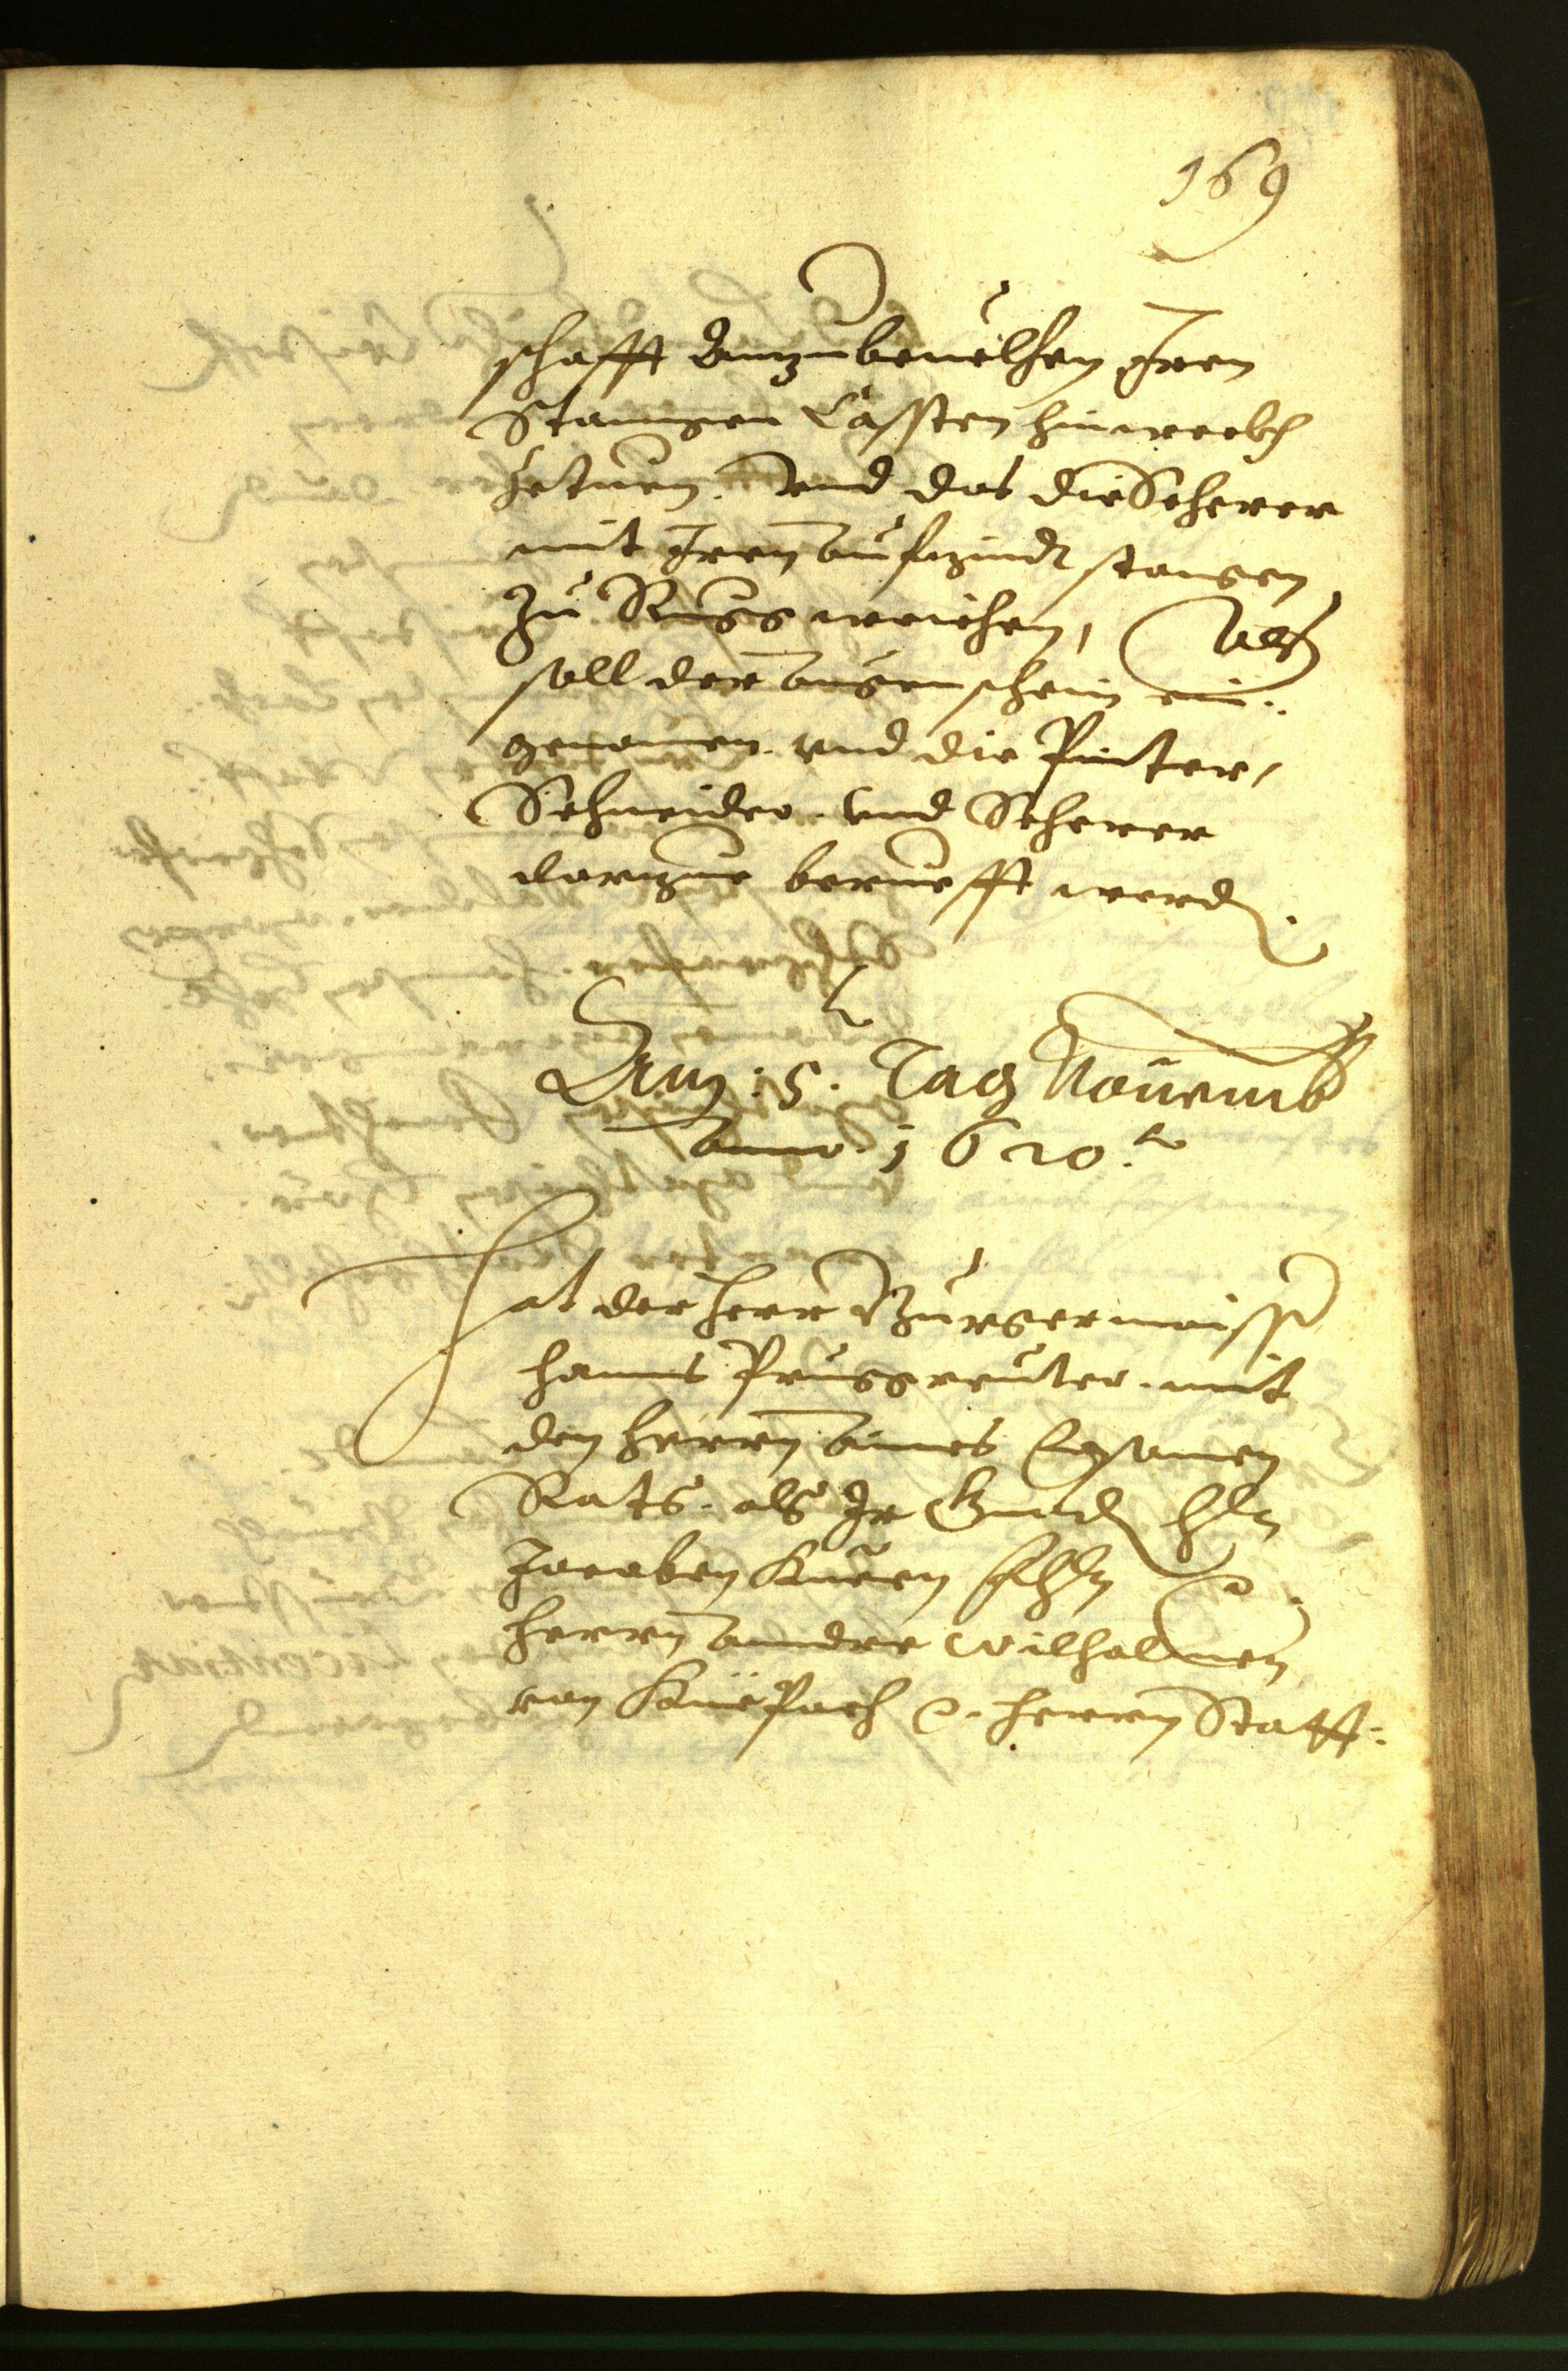169
schafft Anzūbeūelhen Iren
Stanngen Cassten hinweckh
Zetūen. vnd das die Scherer
mit Iren Aūfzindt stangen
Zū Rūgg weichen, Als
soll der Aūgenschein ein¬
genomen. vnd die Pinter,
Schneider. vnd Scherer
darzūe berūefft werd.
t
Am: 5. Tag Noūemb
Anno .1620.t
hat der herr Būrgermaisst
hanns Prūggreūter. mit
den herrn Aines Ersamen
Rats. als Ir Gnad hln
Jacoben Kūeen Fhn etc.
herrn Anndre Wilhalmen
von KüePach etc. herrn Statt¬